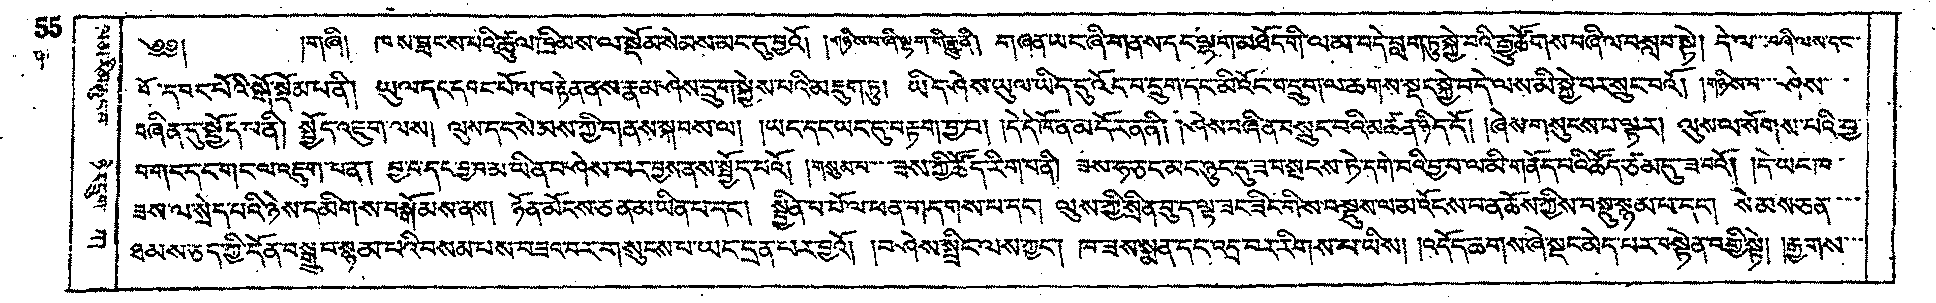༄༅། །གཞི། ཁས་བླངས་པའི་ཚུལ་ཁྲིམས་ལ་སྡོམ་སེམས་མང་དུ་བྱའོ། ། གཉིས་པ་ཞི་ལྷག་གི་རྒྱུ་ནི།  གཞན་ཡང་ཞི་གནས་དང་ལྷག་མཐོང་གི་ལམ་བདེ་བླག་ཏུ་སྐྱེ་བའི་རྒྱུ་ཚོགས་བཞི་ལ་བསླབ་སྟེ། དེ་ལབཞི་ལས་དང་
པོ་དབང་པོའི་སྒོ་སྡོམ་པ་ནི། ཡུལ་དང་དབང་པོ་ལ་བརྟེན་ནས་རྣམ་ཤེས་དྲུག་སྐྱེས་པའི་མཇུག་ཏུ། ཡིད་ཤེས་ཡུལ་ཡིད་དུ་འོང་བ་དྲུག་དང་མི་འོང་བ་དྲུག་ལ་ཆགས་སྡང་སྐྱེ་བ་དེ་ལས་མི་སྐྱེ་བར་སྲུང་བའོ། ། གཉིས་པཤེས་
བཞིན་དུ་སྤྱོད་པ་ནི། སྤྱོད་འཇུག་ལས། ལུས་དང་སེམས་ཀྱི་གནས་སྐབས་ལ། །ཡང་དང་ཡང་དུ་བརྟག་བྱ་བ། །དེ་དེ་ཁོ་ན་མདོར་ན་ནི། །ཤེས་བཞིན་བསྲུང་བའི་མཚན་ཉིད་དོ། །ཞེས་གསུངས་པ་ལྟར། ལུས་ལ་སོགས་པའི་བྱ་
བ་གང་དང་གང་ལ་འཇུག་པ་ན། བྱ་བ་དང་བྱ་བ་མ་ཡིན་པ་ཤེས་པར་བྱས་ནས་སྤྱོད་པའོ། ། གསུམ་པཟས་ཀྱི་ཚོད་རིག་པ་ནི། ཟས་ཧ་ཅང་མང་ཉུང་དུ་ཟ་བ་སྤངས་ཏེ་དགེ་བའི་བྱ་བ་ལ་མི་གནོད་པའི་ཚོད་ཙམ་དུ་ཟ་བའོ། །དེ་ཡང་ཁ་
ཟས་ལ་སྲེད་པའི་ཉེས་དམིགས་བསྒོམས་ནས། ཉོན་མོངས་ཅན་མ་ཡིན་པ་དང་། སྦྱིན་པ་པོ་ལ་ཕན་གདགས་པ་དང་། ལུས་ཀྱི་སྲིན་བུ་ད་ལྟ་ཟང་ཟིང་གིས་བསྡུས་ལ་མ་འོངས་པ་ན་ཆོས་ཀྱིས་བསྡུ་སྙམ་པ་དང་། སེམས་ཅན་
ཐམས་ཅད་ཀྱི་དོན་བསྒྲུབ་སྙམ་པའི་བསམ་པས་བཟའ་བར་གསུངས་པ་ཡང་དྲན་པར་བྱའོ། །བཤེས་སྤྲིང་ལས་ཀྱང་། ཁ་ཟས་སྨན་དང་འདྲ་བར་རིགས་པ་ཡིས། །འདོད་ཆགས་ཞེ་སྡང་མེད་པར་བསྟེན་བགྱི་སྟེ། རྒྱ་གས་